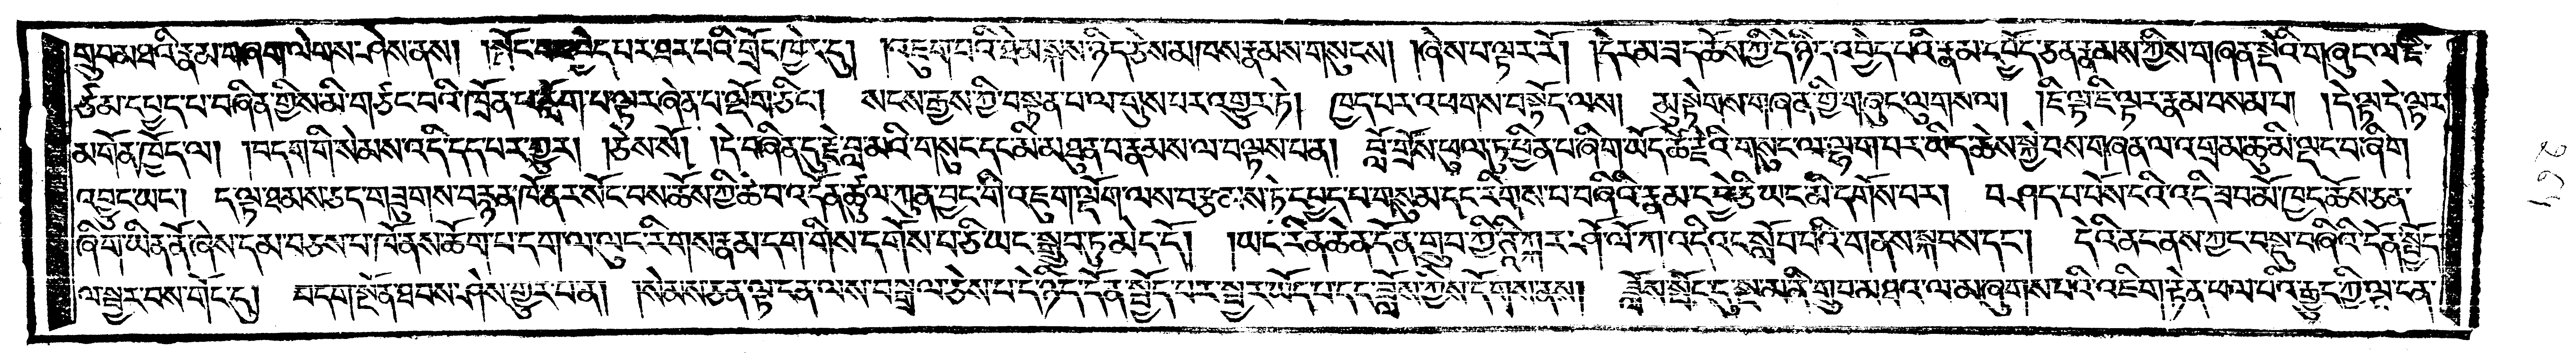གྲུབ་མཐའི་རྣམ་གཞག་ལེགས་ཤེས་ནས། །སྤོང་བར་བྱེད་པར་ཐར་བའི་གྲོང་ཁྱེར་དུ། །འཇུག་པའི་ཐེམ་སྐས་ཉིད་ཅེས་མཁས་རྣམས་གསུངས། །ཞེས་པ་ལྟར་རོ། །དེར་མ་ཟད་ཆོས་ཀྱི་དེ་ཉིད་འབྱེད་པའི་རྣམ་དཔྱོད་ཅན་རྣམས་ཀྱིས་གཞན་སྡེའི་གཞུང་ལ་ཇི་
ཙམ་དཔྱད་པ་བཞིན་གྱིས་མི་གཙང་བའི་ཁྲོན་པ་རློག་པ་ལྟར་ཞེན་པ་ལྡོག་ཅིང་། སངས་རྒྱས་ཀྱི་བསྟན་པ་ལ་གུས་པར་འགྱུར་ཏེ། ཁྱད་པར་འཕགས་བསྟོད་ལས། མུ་སྟེགས་གཞན་གྱི་གཞུང་ལུགས་ལ། །ཇི་ལྟ་ཇི་ལྟར་རྣམ་བསམ་པ། །དེ་ལྟ་དེ་ལྟར་
མགོན་ཁྱོད་ལ། །བདག་གི་སེམས་འདི་དད་པར་གྱུར། །ཅེས་སོ། །དེ་བཞིན་དུ་རྗེ་བླ་མའི་གསུང་དང་མི་མཐུན་བ་རྣམས་ལ་བལྟས་པ་ན། བློ་གྲོས་ཕུལ་ཏུ་ཕྱིན་པ་ཞིག་ཡོད་ཚེ་རྗེའི་གསུང་ལ་ལྷག་པར་ཡིད་ཆེས་སྐྱེ་བས་གཞན་ལ་འགྲམ་ཆུ་མི་ལྡང་བ་ཞིག་
འབྱུང་ཡང་། ད་ལྟ་ཐམས་ཅད་གཟུགས་བརྙན་ཁོ་ནར་སོང་བས་ཆོས་ཀྱི་ཆེ་བ་འདོན་ཚུལ་ཀུན་བྱང་གི་འཇུག་ལྡོག་ལས་བརྩམས་ཏེ་དཔྱད་པ་གསུམ་དང་རིགས་པ་བཞིའི་རྣམ་དབྱེ་ཅི་ཡང་མི་དགོས་པར། བཤད་པ་བོས་ངའི་འདི་ཟབ་མོ་ཁྱད་ཆོས་ཅན་
ཞིག་ཡིན་ནོ་ཞེས་དམ་བཅས་པ་ཁོ་ནས་ཆོག་པ་དག་ལ་ལུང་རིགས་རྣམ་དག་གིས་དགོས་པ་ཅི་ཡང་སྒྲུབ་ཏུ་མེད་དོ། །ཡང་རིན་ཆེན་དོན་གྲུབ་ཀྱི་ཊཱིཀྐར་ཤོ་ལོ་ཀ་འདིའང་སློབ་བའི་གནས་སྐབས་དང་། དེའི་ནང་ནས་ཀྱང་བསྡུ་བཞིའི་དོན་སྤྱོད་
ལ་སྦྱར་བས་གོང་དུ། བདག་སྔོན་ཐབས་ཤེས་གྱུར་པ་ན། །སེམས་ཅན་ལྟ་ངན་ལས་བསྒྲལ་ཅེས་པ་དེ་ཉིད་མྱོན་སྤྱོད་པར་སྦྱར་ཡོད་པ་དང་ཟློས་ཀྱིས་དོགས་ནས། ཟློས་སྤོང་དུ་ལྔ་མ་ནི་གྲུབ་མཐའ་ལམ་ཞུགས་པའི་འཇིག་རྟེན་ཕལ་བའི་རྒྱུད་ཀྱི་ལྟ་ངན་